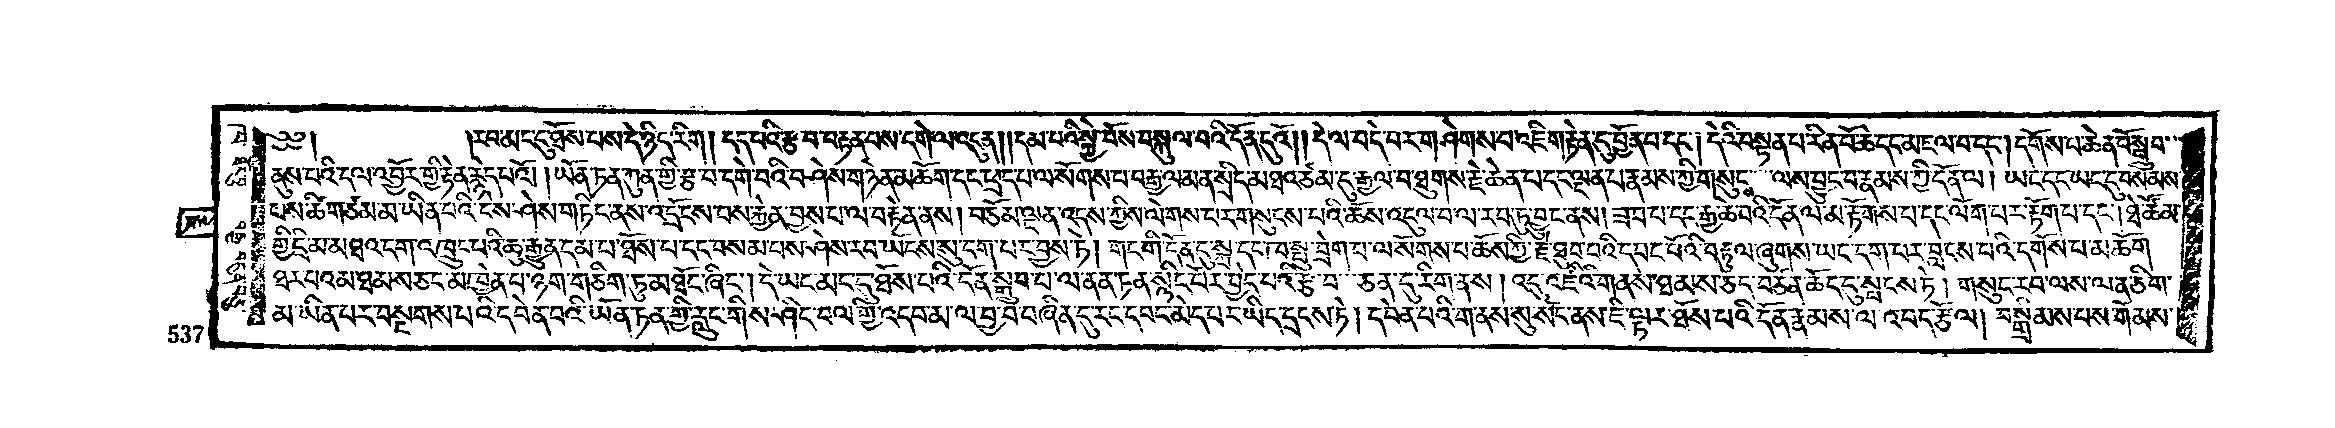༄༅། །རབ་མང་དུ་ཐོས་པས་དེ་ཉིད་རིག །དད་པའི་རྩ་བ་བརྟན་པས་དགེ་ལ་འདུན། །དམ་པའི་སྐྱེ་བོས་བསྐུལ་བའི་དོན་དུའོ། །དེ་ལ་བདེ་བར་གཤེགས་པ་འཇིག་རྟེན་དུ་བྱོན་པ་དང་། དེའི་བསྟན་པ་རིན་པོ་ཆེ་དང་མངལ་བ་དང་། དགོས་པ་ཆེན་པོ་སྒྲུབ་
ནུས་པའི་དལ་འབྱོར་གྱི་རྟེན་རྙེད་པའོ། །ཡོན་ཏན་ཀུན་གྱི་རྩ་བ་དགེ་བའི་བཤེས་གཉེན་མཆོག་དང་ཕྲད་པ་ལ་སོགས་པ་བརྒྱ་ལམ་ན་སྲིད་མཐའ་ཙམ་དུ་རྒྱལ་བ་ཐུགས་རྗེ་ཆེན་པོ་དང་ལྡན་པ་རྣམས་ཀྱི་གསུངས་ལས་བྱུང་བ་རྣམས་ཀྱི་དོན་ལ། ཡང་དང་ཡང་དུ་བསམས་
པས་ཚིག་ཙམ་མ་ཡིན་པའི་ངེས་ཤེས་གཏིང་ནས་འདྲོངས་པས་རྐྱེན་བྱས་པ་ལ་བརྟེན་ནས། བཅོམ་ལྡན་འདས་ཀྱིས་ལེགས་པར་གསུངས་པའི་ཆོས་འདུལ་བ་ལ་རབ་ཏུ་བྱུང་ནས། ཟབ་པ་དང་རྒྱ་ཆེ་བའི་དོན་ལ་མ་རྟོགས་པ་དང་ལོག་པར་རྟོག་པ་དང་། ཐེ་ཚོམ་
གྱི་དྲི་མ་མཐའ་དག་འཁྲུང་པའི་ཆུ་རྒྱུན་དམ་པ་ཐོས་པ་དང་བསམ་པས་ཤེས་རབ་ཡོངས་སུ་དག་པར་བྱས་ཏེ། གང་གི་དོན་དུ་སྐྲ་དང་ཁ་སྤུ་བྲེག་པ་ལ་སོགས་པ་ཆོས་ཀྱི་རྗེ་ཐུབ་པའི་དབང་པོའི་བརྟུལ་ཞུགས་ཡང་དག་པར་བླངས་པའི་དགོས་པ་མཆོག་
ཐར་པའམ་ཐམས་ཅད་མཁྱེན་པ་ཉག་གཅིག་ཏུ་མཐོང་ཞིང་། དེ་ཡང་མང་དུ་ཐོས་པའི་དོན་སྒྲུབ་པ་ལ་ནན་ཏན་སྙིང་པོར་བྱེད་པའི་རྩ་བ་ཅན་དུ་རིག་ནས། །འདུ་འཛིའི་གནས་ཐམས་ཅད་བཙན་ཆོད་དུ་སྤངས་ཏེ། གསུང་རབ་ལས་ལ་ན་ཅིག་
མ་ཡིན་པར་བསྔགས་པའི་དབེན་པའི་ཡོན་ཏན་གྱི་རླུང་གིས་ཤིང་བལ་གྱི་འདབ་མ་ལ་བྱ་བ་བཞིན་དུ་རང་དབང་མེད་པར་ཡིད་དྲངས་ཏེ། དབེན་པའི་གནས་སུ་སོང་ནས་ཇི་ལྟར་ཐོས་པའི་དོན་རྣམས་ལ་འབད་རྩོལ། བསྒྲིམས་པས་གོམས་